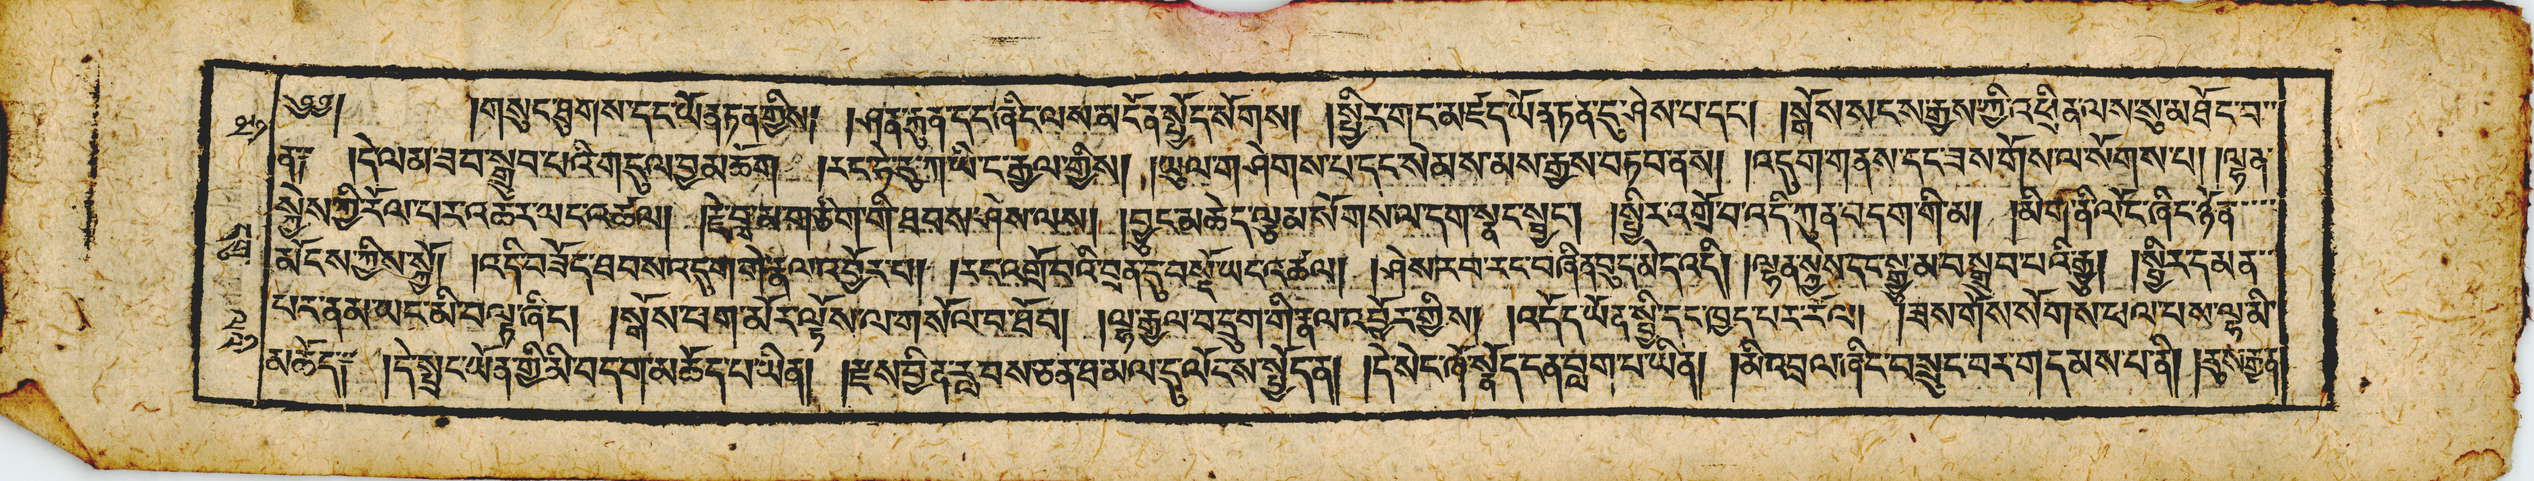གསུང་ཐུགས་དང་ཡོན་ཏན་གྱིས། །ཤན་རྐུན་དང་ཞིང་ལས་མངོན་སྤྱོད་སོགས། །སྤྱིར་གང་མཛད་ཡོན་ཏན་དུ་ཤེས་པ་དང་། །སྒོས་སངས་རྒྱས་ཀྱི་འཕྲིན་ལས་སུ་མཐོང་བ་
ན། །དེ་ལམ་ཟབ་སྒྲུབ་པའི་གདུལ་བྱ་མཆོག །རང་ཧེ་རུཀ་ཡི་ང་རྒྱལ་གྱིས། །ཡུལ་གཤེགས་པ་དང་སེམས་མས་རྒྱས་བཏབ་ནས། །འདུག་གནས་དང་ཟས་གོས་ལ་སོགས་པ། ལྷན་
སྐྱེས་ཀྱི་རོལ་པར་འཆར་ལང་འཚལ། །རྗེ་བླ་མ་གཅིག་གི་ཐབས་ཤེས་ལས། །བྱུང་མཆེད་ལྕམ་སོགས་ལ་དག་སྣང་སྦྱང་། །སྤྱིར་འགྲོ་བ་འདི་ཀུན་བདག་གི་མ། །མིག་ནི་ལོང་ཞིང་ཉོན་
མོངས་ཀྱིས་སྐྱོ། །འདི་བཟོད་ཐབས་འདུག་གེ་རྣལ་འབྱོར་པ། །རང་འགྲོ་བའི་བྲན་དུ་བསྔོ་ཡང་འཚལ། །ཤེས་རབ་རང་བཞིན་བུད་མེད་འདི། །ལྷན་སྐྱེས་དང་སྒྱུ་མ་བསྒྲུབ་པའི་རྒྱུ། །སྤྱིར་དམན་
པར་ནམ་ཡང་མི་བལྟ་ཞིང། །སྒོས་ཕག་མོར་ལྟོས་ལ་གསོལ་བ་ཐོབ། །ལྷ་རྒྱལ་བ་དྲུག་གི་རྣལ་འབྱོར་གྱིས། །འདོད་ཡོན་སྤྱི་དང་ཁྱད་པར་རོལ། །ཟས་གོས་སོགས་ཕལ་པས་ལྷ་མི་
མཆོད། །དེ་སྤྲང་ཡོན་གྱི་མི་བདག་མཆོད་པ་ཡིན། །རྫས་བྱིན་རླབས་ཅན་ཐ་མལ་དུ་ལོངས་སྤྱོད་ན། །དེ་སེང་ཞོ་སྣོད་ངན་བླུག་པ་ཡིན། མི་འབྲལ་ཞིང་བསྲུང་བར་གདམས་པ་ནི། །རུས་རྒྱན་